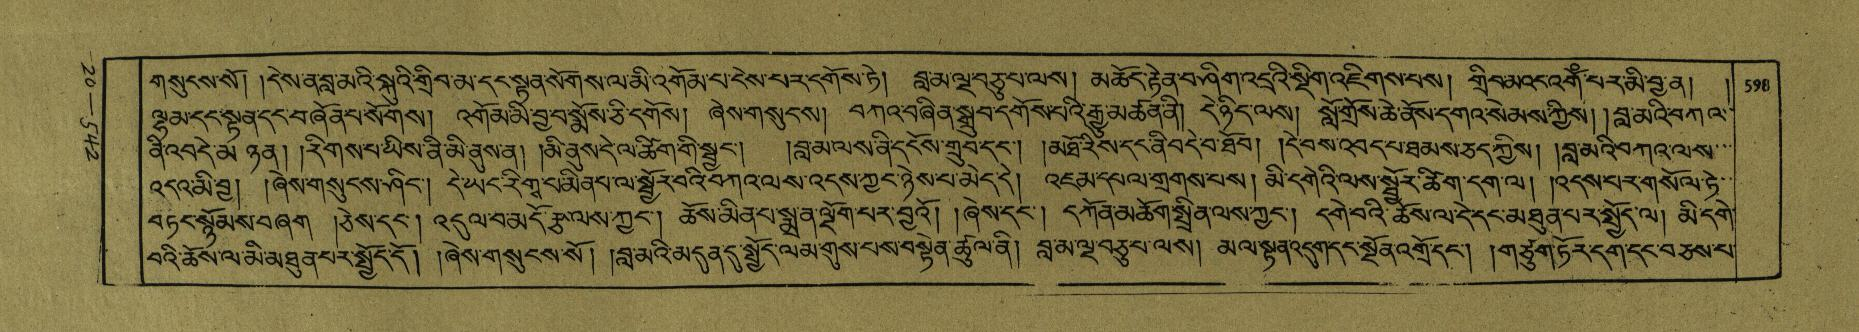གསུངས་སོ། །དེས་ན་བླ་མའི་སྐུའི་གྲིབ་མ་དང་སྟན་སོགས་ལ་མི་འགོམ་པ་ངེས་པར་དགོས་ཏེ། བླ་མ་ལྔ་བ་བཅུ་ལས། མཆོད་རྟེན་བཤིག་འདྲའི་སྡིག་འཇིགས་པས། གྲིབ་མའང་འགོཾ་པར་མི་བྱ་ན། །
ལྷམ་དང་སྟན་དང་བཞོན་པ་སོགས། འགོམ་མི་བྱ་བ་སྨོས་ཅི་དགོས། ཞེས་གསུངས། བཀའ་བཞིན་སྒྲུབ་དགོས་པའི་རྒྱུ་མཚན་ནི། དེ་ཉིད་ལས། སློ་གྲོས་ཆེ་ནོས་དགའ་སེམས་ཀྱིས། །བླ་མའི་བཀའ་
ནི་འབྡེ་མཉན། །རིགས་པ་ཡིས་ནི་མི་ནུས་ན། །མི་ནུས་དེ་ལ་ཚིག་གི་སྦྱང་། །བླ་མ་ལས་ནི་དངོས་གྲུབ་དང་། །མཐོ་རིས་དང་ནི་བདེ་བ་ཐོབ། །དེ་བས་འབད་པ་ཐམས་ཅད་ཀྱིས། །བླ་མའི་བཀའ་ལས་
འདའ་མི་བྱ། །ཞེས་གསུངས་ཤིང་། དེ་ཡང་རིགས་པ་མིན་པ་ལ་སྦྱོར་བའི་བཀའ་ལས་འདས་ཀྱང་ཉེས་པ་མེད་དེ། འཇམ་དཔལ་གྲགས་པས། མི་དགེའི་ལས་སྦྱོར་ཚིག་དག་ལ། །འདས་པར་གསོལ་ཏེ་
བཏང་སྙོམས་བཞག །ཅེས་དང་། འདུལ་བ་མདོ་རྩ་ལས་ཀྱང་། ཆོས་མིན་བ་སྨྲ་ན་ལྡོག་པར་བྱའོ། །ཞེས་དང་། དཀོན་མཆོག་སྦྲིན་ལས་ཀྱང་། དགེ་བའི་ཆོས་ལ་དེ་དང་མཐུན་པར་སྤྱོད་ལ། མི་དགེ་
བའི་ཆོས་ལ་མི་མཐུན་པར་སྤྱོད་དོ། །ཞེས་གསུངས་སོ། །བླ་མའི་མདུན་དུ་སྤྱོད་ལམ་གུས་པས་བསྟེན་ཚུལ་ནི། བླ་མ་ལྔ་བཅུ་པ་ལས། མལ་སྟན་འདུག་དང་སྔོན་འགྲོ་དང་། །གཙུག་ཏོར་དག་དང་བཅས་པ་